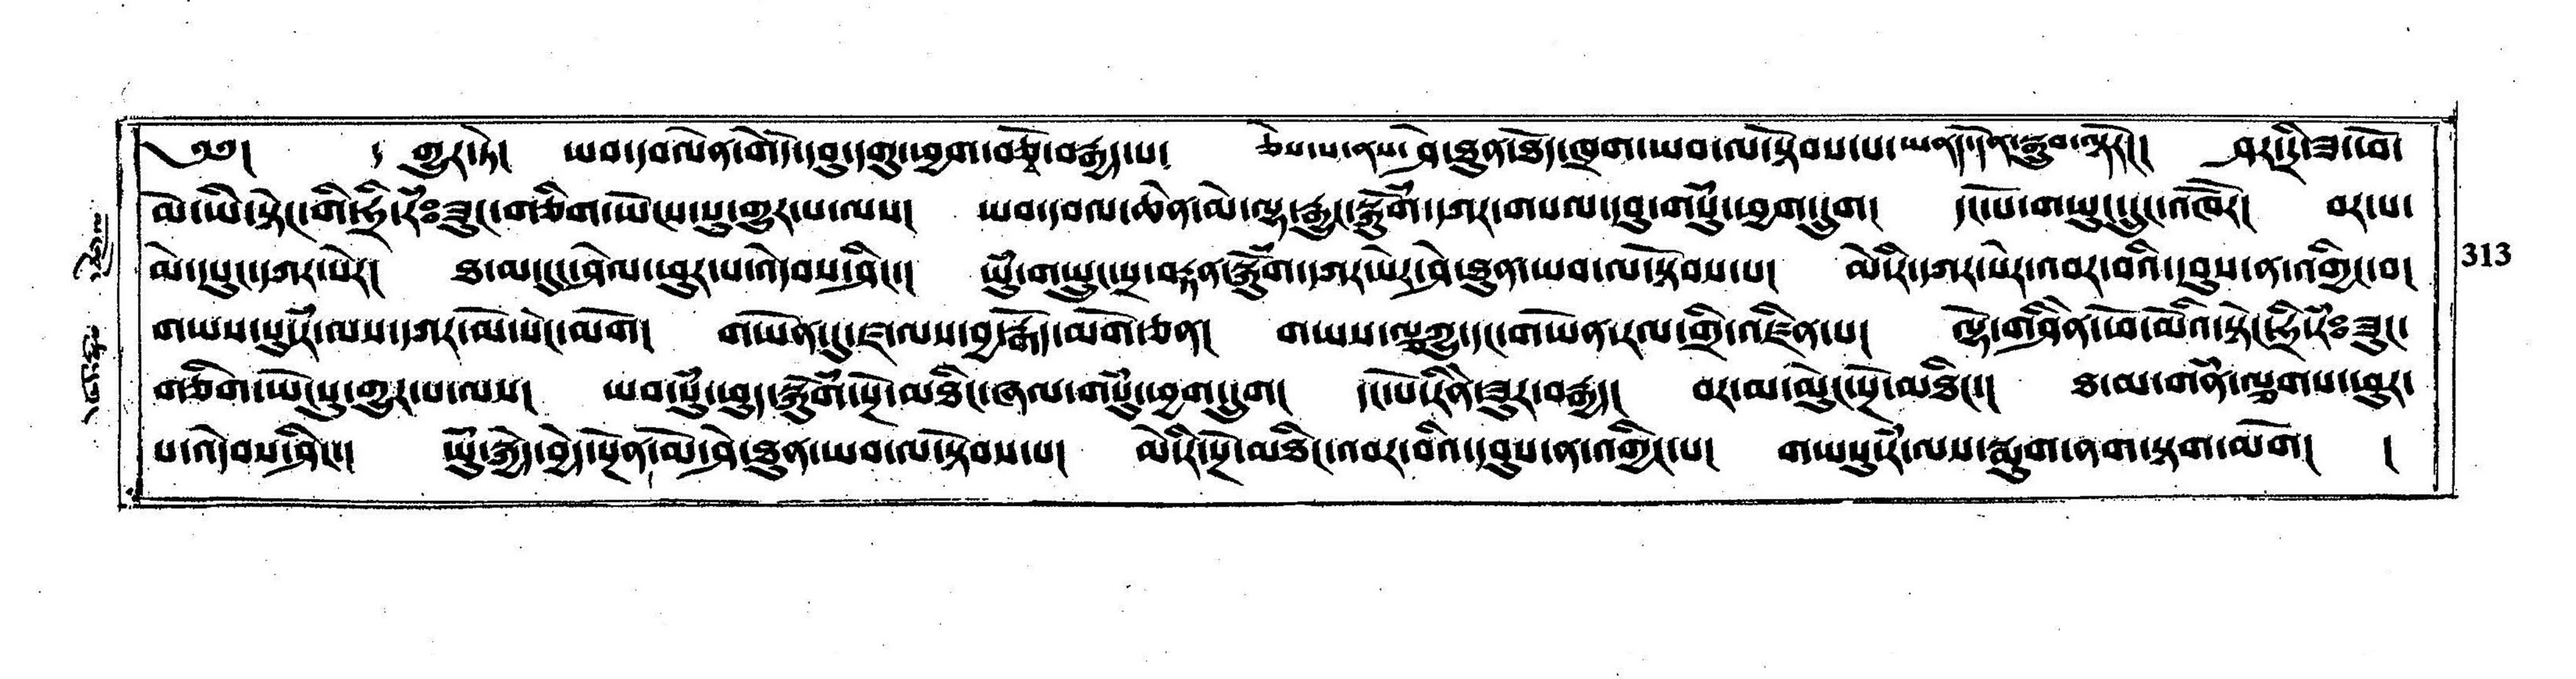གྱུར་ཏེ། ཡབ་དབལ་ཆེན་གེ་ཁོད་དེ་དབུ་དགུ་ཕྱག་བཅྭོ་བརྒྱད་པ། ཅེས་པ་ནས་ཤེ་ཐུན་ཐོད་ཁྲག་ཡབ་ལ་སྟོབས་པ་ཡན་ཆད་དོན་སྒྲུབ་ལྟར་རོ།། ཤར་དྲི་ཟ་ཕོ་
མོ་ཡི་སྟེང་གི་ཧྲི་རཾཿཟུང་གཅིག་ཡོངས་སུ་གྱུར་པ་ལས། ཡབ་དབལ་ཆེན་མེ་ལྷ་རྒྱུང་སྐུ་མདོག་དཀར་གསལ་དབུ་གསུམ་ཕྱག་དྲུག དང་པོ་གཡུང་དྲུང་འཁོར་ལོ། བར་པ་
མེ་དཔུང་དཀར་སེར། ཐ་མ་དུང་ཤེལ་ཕུར་པ་འདེབས་ཤིང་། ཡུམ་གཡུང་དྲུང་སྲ་བརྟན་སྐུ་མདོག་དཀར་སེར་ཤེ་ཐུན་ཡབ་ལ་སྟོབས་པ། མེ་རི་དཀར་སེར་འབར་བའི་དབུས་ན་འགྱིང་བ། 
གཡས་སུ་རཾ་ལས་དཀར་མོ་སེང་མགོ། གཡོན་དུ་ཛ་ལས་བྱ་རྒོད་མགོ་ཅན། གཡས་ལྕག་ཀྱུ་དང་གཡོན་རལ་གྲི་འཛིན་པ། ལྷོ་གཤིན་རྗེ་ཕོ་མོའི་སྟེང་ཧྲི་རཾཿཟུང་
གཅིག་ཡོངས་སུ་གྱུར་པ་ལས། ཡབ་སུམ་ཕུད་སྐུ་མདོག་སྔོ་མཐིང་ཞལ་གསུམ་ཕྱག་དྲུག དང་པོ་རིན་ཆེན་ཟུར་བརྒྱད། བར་མ་མེ་དཔུང་སྔོ་མཐིང་། ཐ་མ་གནམ་ལྕགས་ཕུར་
པ་འདེབས་ཤིང་། ཡུམ་སྐྱེད་བྱེད་སྔོན་མོ་ཤེ་ཐུན་ཡབ་ལ་སྟོབས་པ། མེ་རི་སྔོ་མཐིང་འབར་བའི་དབུས་ན་འགྱིང་པ། གཡས་སུ་རཾ་ལས་སྨུག་ནག་སྟག་མགོ།